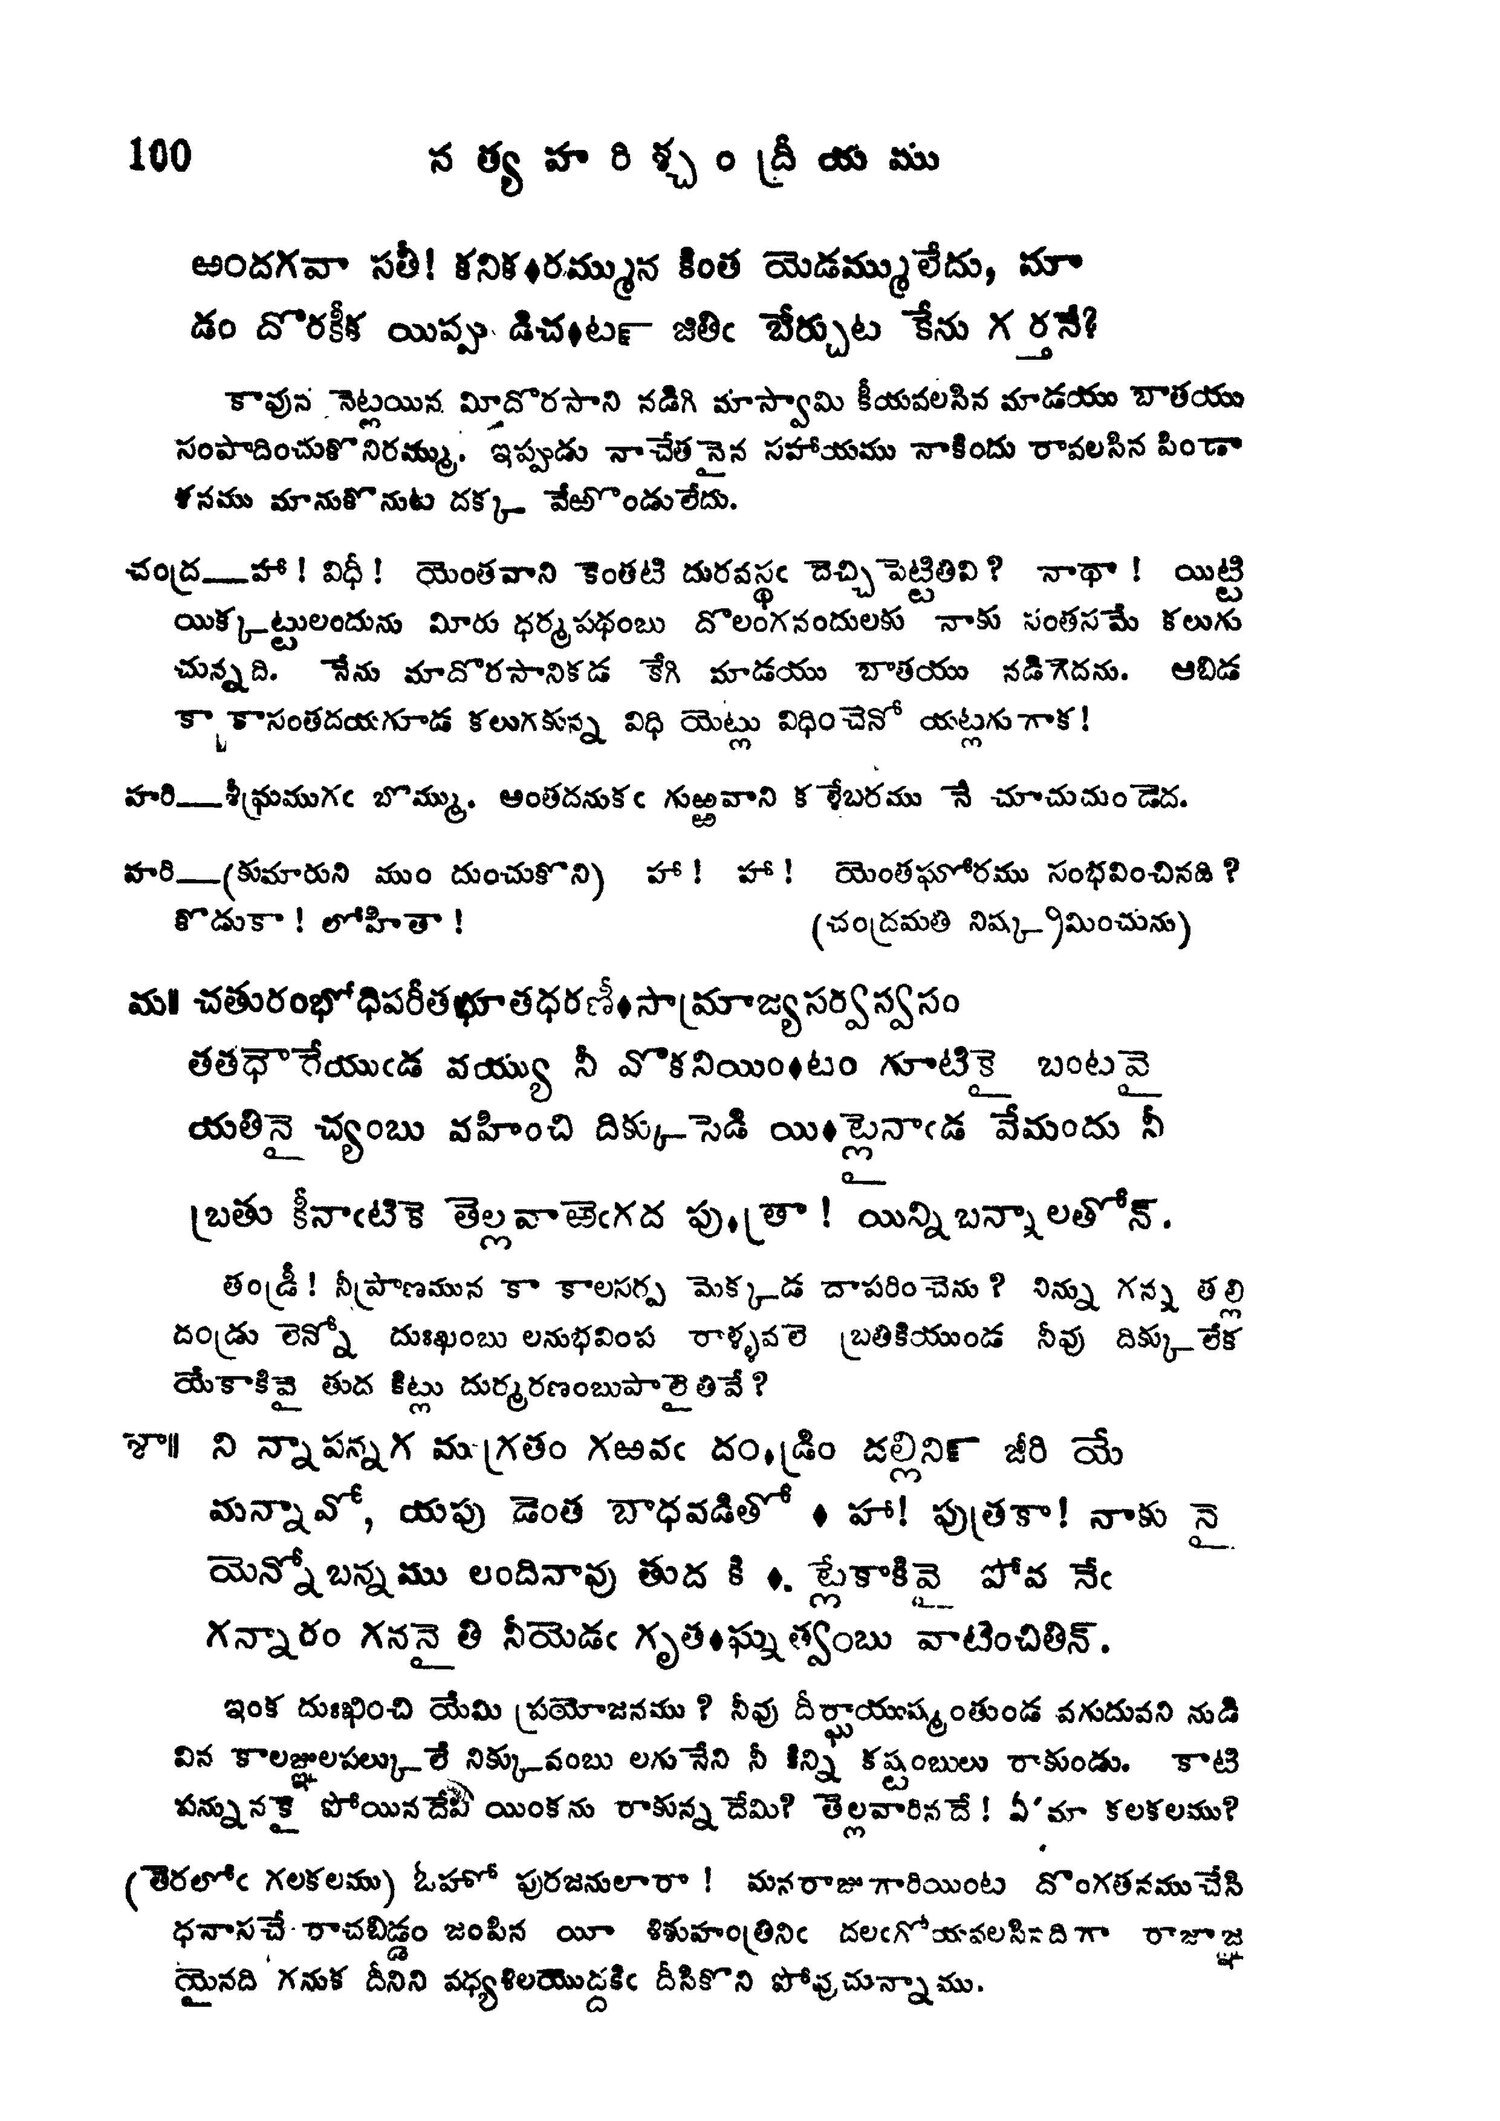ఱందగునా? సతీ కనికరమ్మున కింత యెడమ్ము లేదు మా
డం దొర కీక యిప్పు డిచటన్‌ జితిఁ బేర్చుట కేను గర్తనే?
 

కావున నెట్లయిన మీ దొరసాని నడిగి మా స్వామికీయవలసిన మాడయుం బాతయు సంపాదించుకొనిరమ్ము. ఇప్పుడు నా చేతనైన సహాయము నాకిందురావలసిన పిండాశనము మానుకొనుట దక్క వేఱొండులేదు.

చంద్ర - 	హా! విధీ! యెంతవాని కెంతటి దురవస్థం దెచ్చి పెట్టితిని? నాథాఁ! యిట్టి యిక్కట్టులందును మీరు ధర్మపథంబు దొలగనందులకు నాకు సంతసమే కలుగుచున్నది. నేను మాదొరసాని కడ కేగి మాడయుఁ బాఁతయు నడిగెదను. ఆవిడకా కాసంత దయగూడఁ గలుగకున్న విధి యెట్లు విధించెనో యట్లగుఁ గాక!

హరి - 	శీఘ్రముగఁ బొమ్ము. అంతదనుక. గుఱ్ఱవాని కళేబరము నేఁ జూచు చుండెద.

(చంద్రమతి నిష్క్రమించును)

హరి - 	(కుమారుని ముందుంచుకొని) హా! హా! ఎంతఘోరము సంభవించినది? కొడుకా, లోహితా!

 
మ. చతురంబోధి పరీత భూతధరిణీ సామ్రాజ్యసర్వస్వ సం
తత ధౌరేయుండవయ్యు నీ వొకని యింటం గూటికై బంటవై
యతి నైచ్యంబు వహించి దిక్కు సెడి యిట్లైనాడ వేమందు నీ
బ్రతుకీ నాటికి తెల్లవారె గద పుత్రా యిన్ని బన్నాలతోన్‌.
 

తండ్రీ! నీ ప్రాణమునకా కాలసర్పమెక్కడ దాపురించెను? నిన్నుఁ గన్న తల్లిదండ్రులెన్నో దుఃఖంబు లనుభవింప రాళ్ళవలె బ్రతికియుండ నీవు దిక్కులేక యేకాకివై తుదకిట్లు దుర్మరణంబు పాలైతివే?

 
శా. 	నిన్నా పన్నగ ముగ్రతం గఱవ దండ్రిం దల్లిన్‌ జీరియే
మన్నావో యపుడెంత బాధపడితో హా! పుత్రకా! నాకునై
యెన్నో బన్నములందినావు తుదకిట్లేకాకివై పోవ నేఁ
గన్నారం గననైతి నీ యెడఁ గృతఘృత్వంబు పాటించితిన్‌.
 

ఇంక దుఃఖించి యేమి ప్రయోజనము. నీవు దీర్ఘాయుష్మతుఁడ వగుదువని నుడివిన కాలజ్ఞుల పల్కులే నిక్కంబు లగునేని నీకిన్ని కష్టములు రాకుండు. కాటిపన్నునకై పోయిన దేవి యింకను రాకున్నదేమి? దెల్లవాఱినదే? ఏమా కలకలము?

(తెఱలోఁ గలకలము) ఓహో పురజనులారా! మన రాజుగారి యింట దొంగతనముచేసి ధనాశచే రాచబిడ్డం జంపిన యీ శిశుహంత్రిని దలఁగోయ వలసినదిగా రాజాజ్ఞయైనది కనుక దీనిని వధ్యశిల యొద్దకు దీసిగొని పోవుచున్నాము.